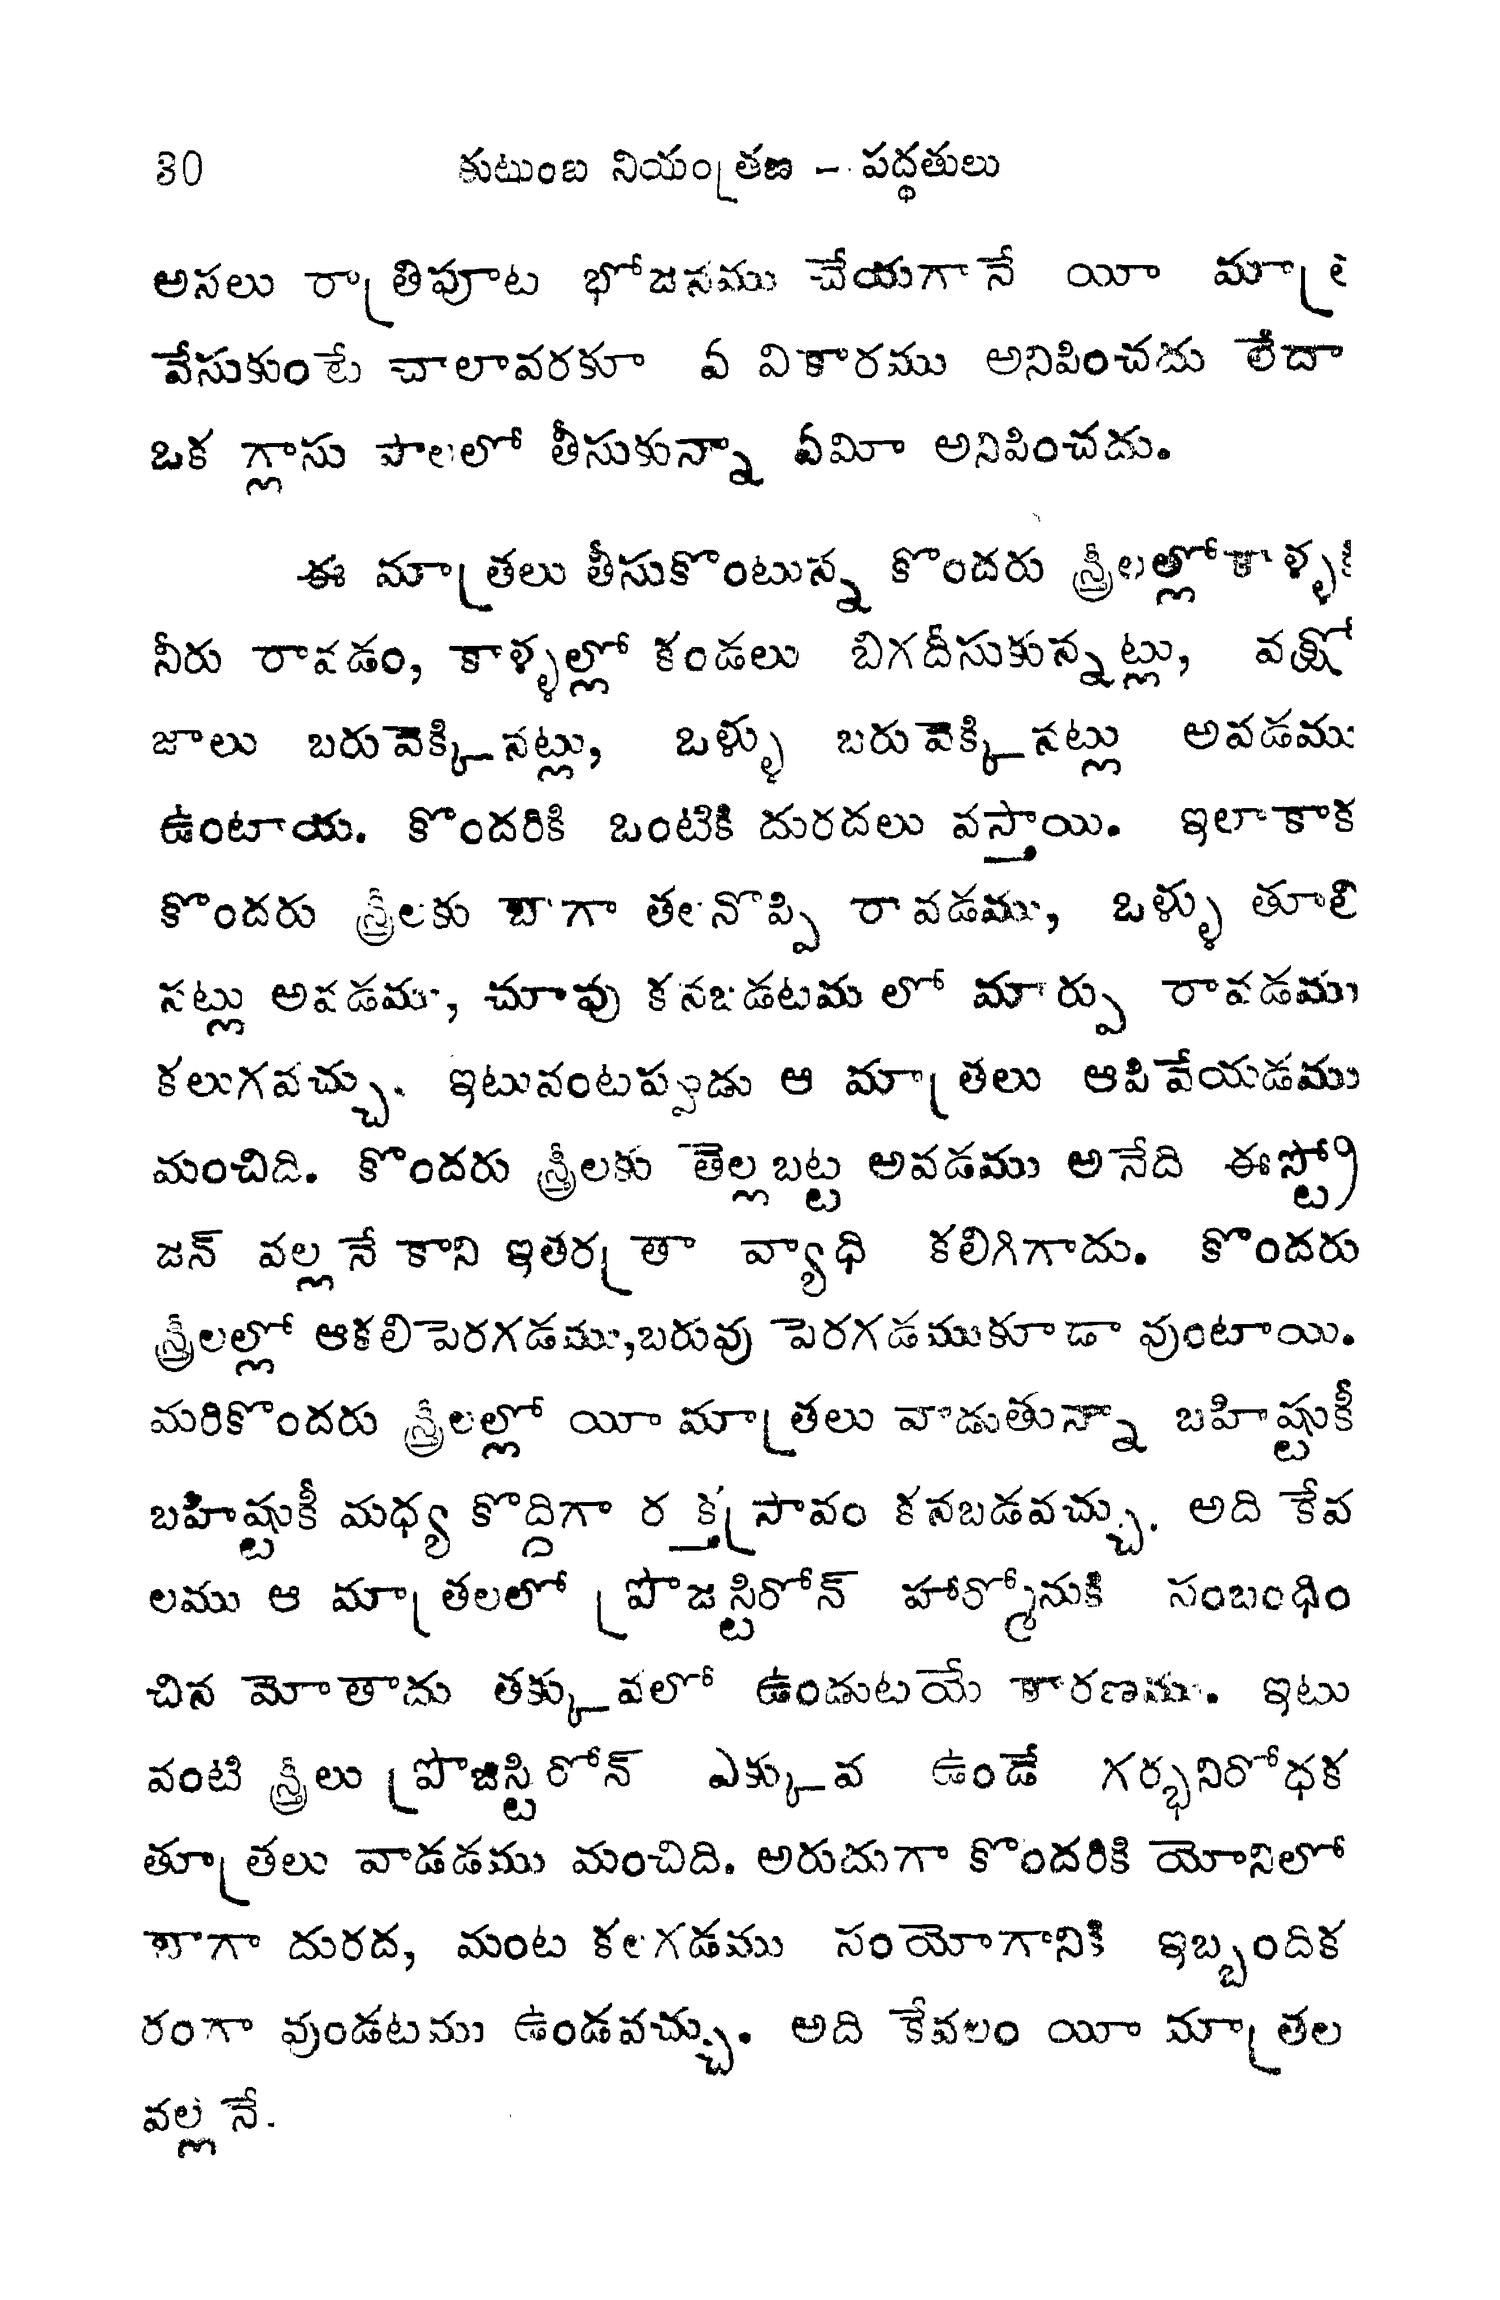అసలు రాత్రిపూట భోజనము చేయగానే యీ మాత్ర వేసుకుంటే చాలావరకూ ఏ వికారము అనిపించదు లేదా ఒక గ్లాసు పాలలో తీసుకున్నా ఏమీ అనిపించదు.

ఈ మాత్రలు తీసుకొంటున్న కొందరు స్త్రీలల్లో కాళ్ళకి నీరు రావడం, కాళ్ళల్లో కండలు బిగదీసుకున్నట్లు, వక్షోజాలు బరువెక్కినట్లు, ఒళ్ళు బరువెక్కినట్లు అవడము ఉంటాయి. కొందరికి ఒంటికి దురదలు వస్తాయి. ఇలాకాక కొందరు స్త్రీలకు బాగా తలనొప్పి రావడము, ఒళ్ళు తూలినట్లు అవడము, చూపు కనబడటమ లో మార్పు రావడము కలుగవచ్చు. ఇటువంటప్పుడు ఆ మాత్రలు ఆపివేయడము మంచిది. కొందరు స్త్రీలకు తెల్లబట్ట అవడము అనేది ఈస్ట్రోజన్ వల్ల నే కాని ఇతరత్రా వ్యాధి కలిగిగాదు. కొందరు స్త్రీలల్లో ఆకలిపెరగడము, బరువు పెరగడముకూడా వుంటాయి. మరికొందరు స్త్రీలల్లో యీ మాత్రలు వాడుతున్నా బహిష్టుకీ బహిష్టుకీ మధ్య కొద్దిగా రక్తస్రావం కనబడవచ్చు. అది కేవలము ఆ మాత్రలలో ప్రొజష్టిరోన్ హార్మోనుకి సంబంధించిన మోతారు తక్కువలో ఉండుటయే కారణము. ఇటువంటి స్త్రీలు ప్రొజిస్ఠిరోన్ ఎక్కువ ఉండే గర్భనిరోధక మాత్రలు వాడడము మంచిది. అరుదుగా కొందరికి యోనిలో బాగా దురద, మంట కలగడము సంయోగానికి ఇబ్బందికరంగా వుండటము ఉండవచ్చు. అది కేవలం యీ మాత్రల వల్లనే